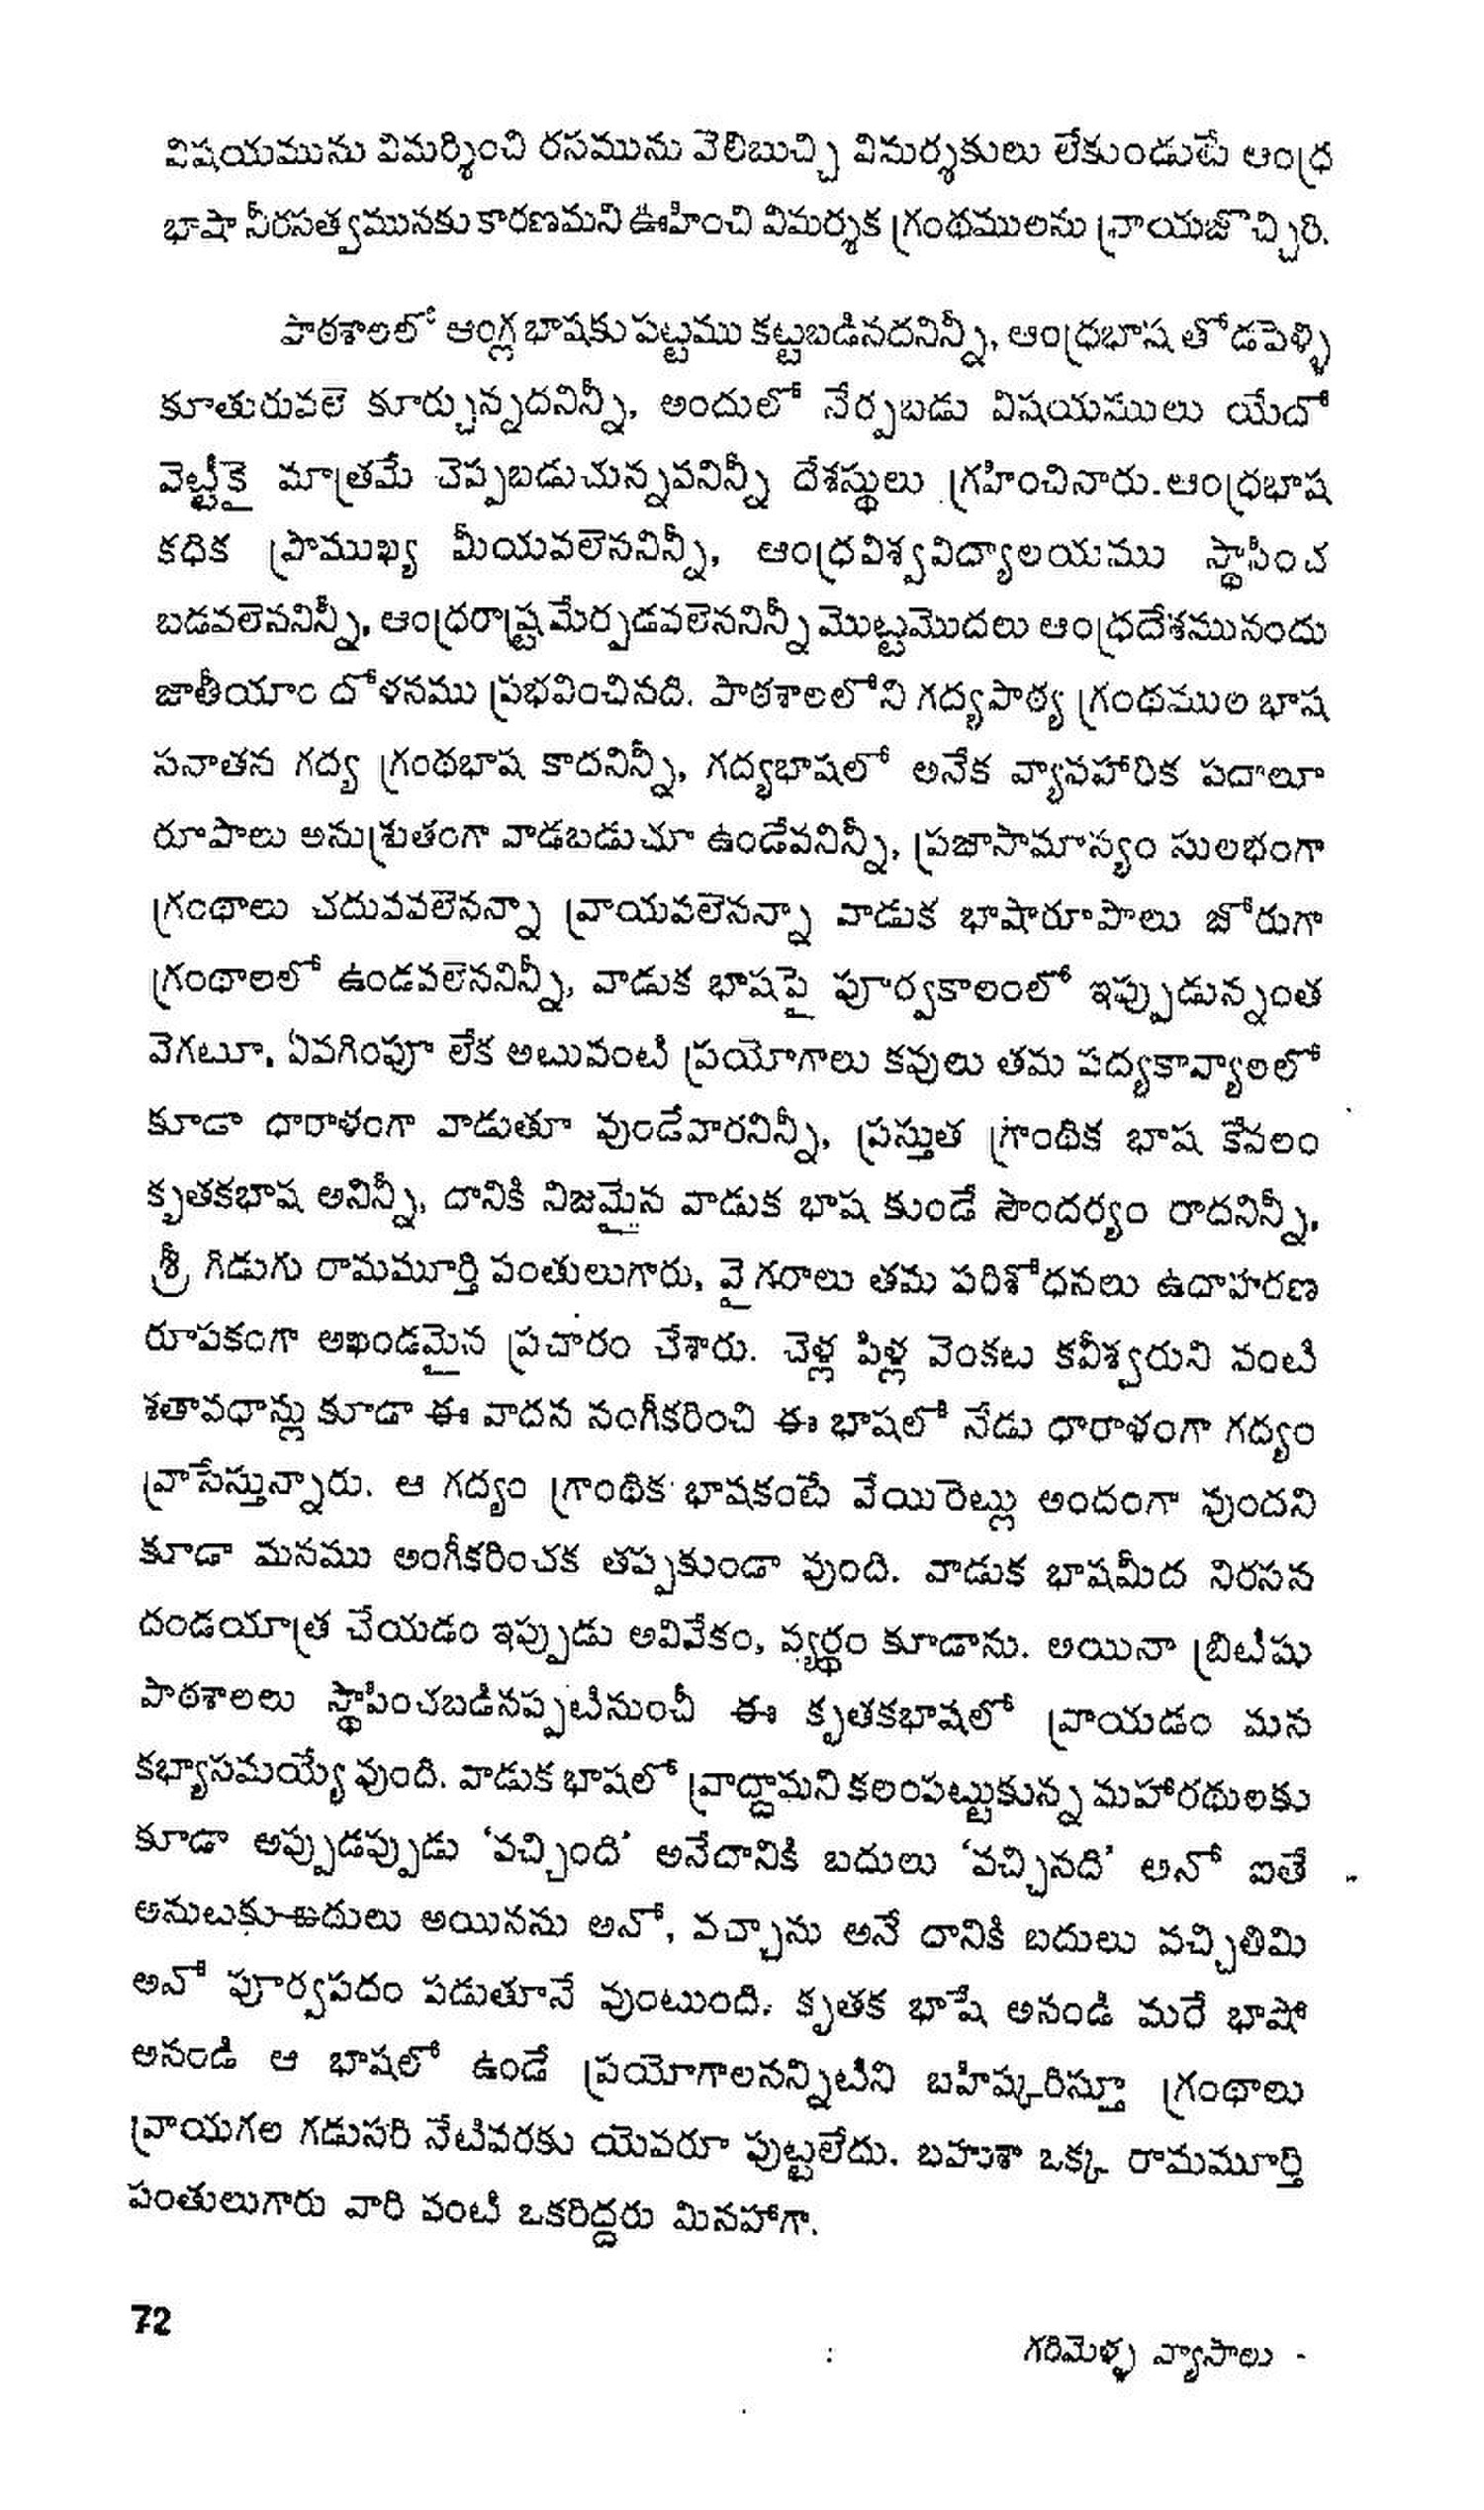విషయమును విమర్శించి రసమును వెలిబుచ్చి విమర్శకులు లేకుండుటే ఆంధ్రబాషానీరసత్వమునకు కారణమని ఊహించి విమర్శక గ్రంథములను వ్రాయజొచ్చిరి.

పాఠశాలలో ఆంగ్లభాషకు పట్టము కట్టబడినదనిన్నీ, ఆంధ్రభాషతోడపెళ్ళికూతురువలె కూర్చున్నదనిన్నీ, అందులో నేర్పబడు విషయములు యేదో వెట్టికై మాత్రమే చెప్పబడుచున్నవనిన్నీ దేశస్థులు గ్రహించినారు. ఆంధ్రభాష కధిక ప్రాముఖ్య మీయవలెననిన్నీ, ఆంధ్రవిశ్వవిద్యాలయము స్థాపించబడవలెననిన్నీ, ఆంధ్రరాష్ట్రమేర్పడవలెననిన్నీ మొట్టమొదలు ఆంధ్రదేశమునందు జాతీయాందోళనము ప్రభవించినది. పాఠశాలలోని గద్యపాఠ్య గ్రంథముల భాష సనాతన గద్య గ్రంథభాష కాదనిన్నీ, గద్యభాషలో అనేక వ్యావహారిక పదాలూ రూపాలు అనుశ్రుతంగా వాడబడుచూ ఉండేవనిన్నీ, ప్రజాసామాన్యం సులభంగా గ్రంథాలు చదువవలెనన్నా వ్రాయవలెనన్నా వాడుక భాషారూపాలు జోరుగా గ్రంథాలలో ఉండవలెననిన్నీ, వాడుక భాషపై పూర్వకాలంలో ఇప్పుడున్నంత వెగటూ, ఏవగింపూ లేక అటువంటి ప్రయోగాలు కవులు తమ పద్యకావ్యాలలో కూడా ధారాళంగా వాడుతూ వుండేవారనిన్నీ, ప్రస్తుత గ్రాంథిక భాష కేవలం కృతకభాష అనిన్నీ, దానికి నిజమైన వాడుక భాష కుండే సౌందర్యం రాదనిన్నీ, శ్రీ గిడుగు రామమూర్తి పంతులుగారు, వగైరాలు తమ పరిశోధనలు ఉదాహరణ రూపకంగా అఖండమైన ప్రచారం చేశారు. చెళ్ల పిళ్ల వెంకట కవీశ్వరుని వంటి శతావధాన్లు కూడా ఈ వాదన నంగీకరించి ఈ భాషలో నేడు ధారాళంగా గద్యం వ్రాసేస్తున్నారు. ఆ గద్యం గ్రాంథిక భాషకంటే వేయిరెట్లు అందంగా వుందని కూడా మనము అంగీకరించక తప్పకుండా వుంది. వాడుక భాషమీద నిరసన దండయాత్ర చేయడం ఇప్పుడు అవివేకం, వ్యర్థం కూడాను. అయినా బ్రిటీషు పాఠశాలలు స్థాపించబడినప్పటినుంచీ ఈ కృతకభాషలో వ్రాయడం మన కభ్యాసమయ్యేవుంది. వాడుకభాషలో వ్రాద్దామని కలంపట్టుకున్న మహారథులకు కూడా అప్పుడప్పుడు 'వచ్చింది ' అనేదానికి బదులు 'వచ్చినది ' అనో ఐతే అనుటకు బదులు అయినను అనో, వచ్చాను అనే దానికి బదులు వచ్చితిమి అనో పూర్వపదం పడుతూనే వుంటుంది. కృతక భాషే అనండి మరే భాషో అనండి ఆ భాషలో ఉండే ప్రయోగాలన్నిటిని బహిష్కరిస్తూ గ్రంథాలు వ్రాయగల గడుసరి నేటివరకు యెవరూ పుట్టలేదు. బహుశా ఒక్క రామమూర్తి పంతులుగారు వారి వంటి ఒకరిద్దరు మినహాగా